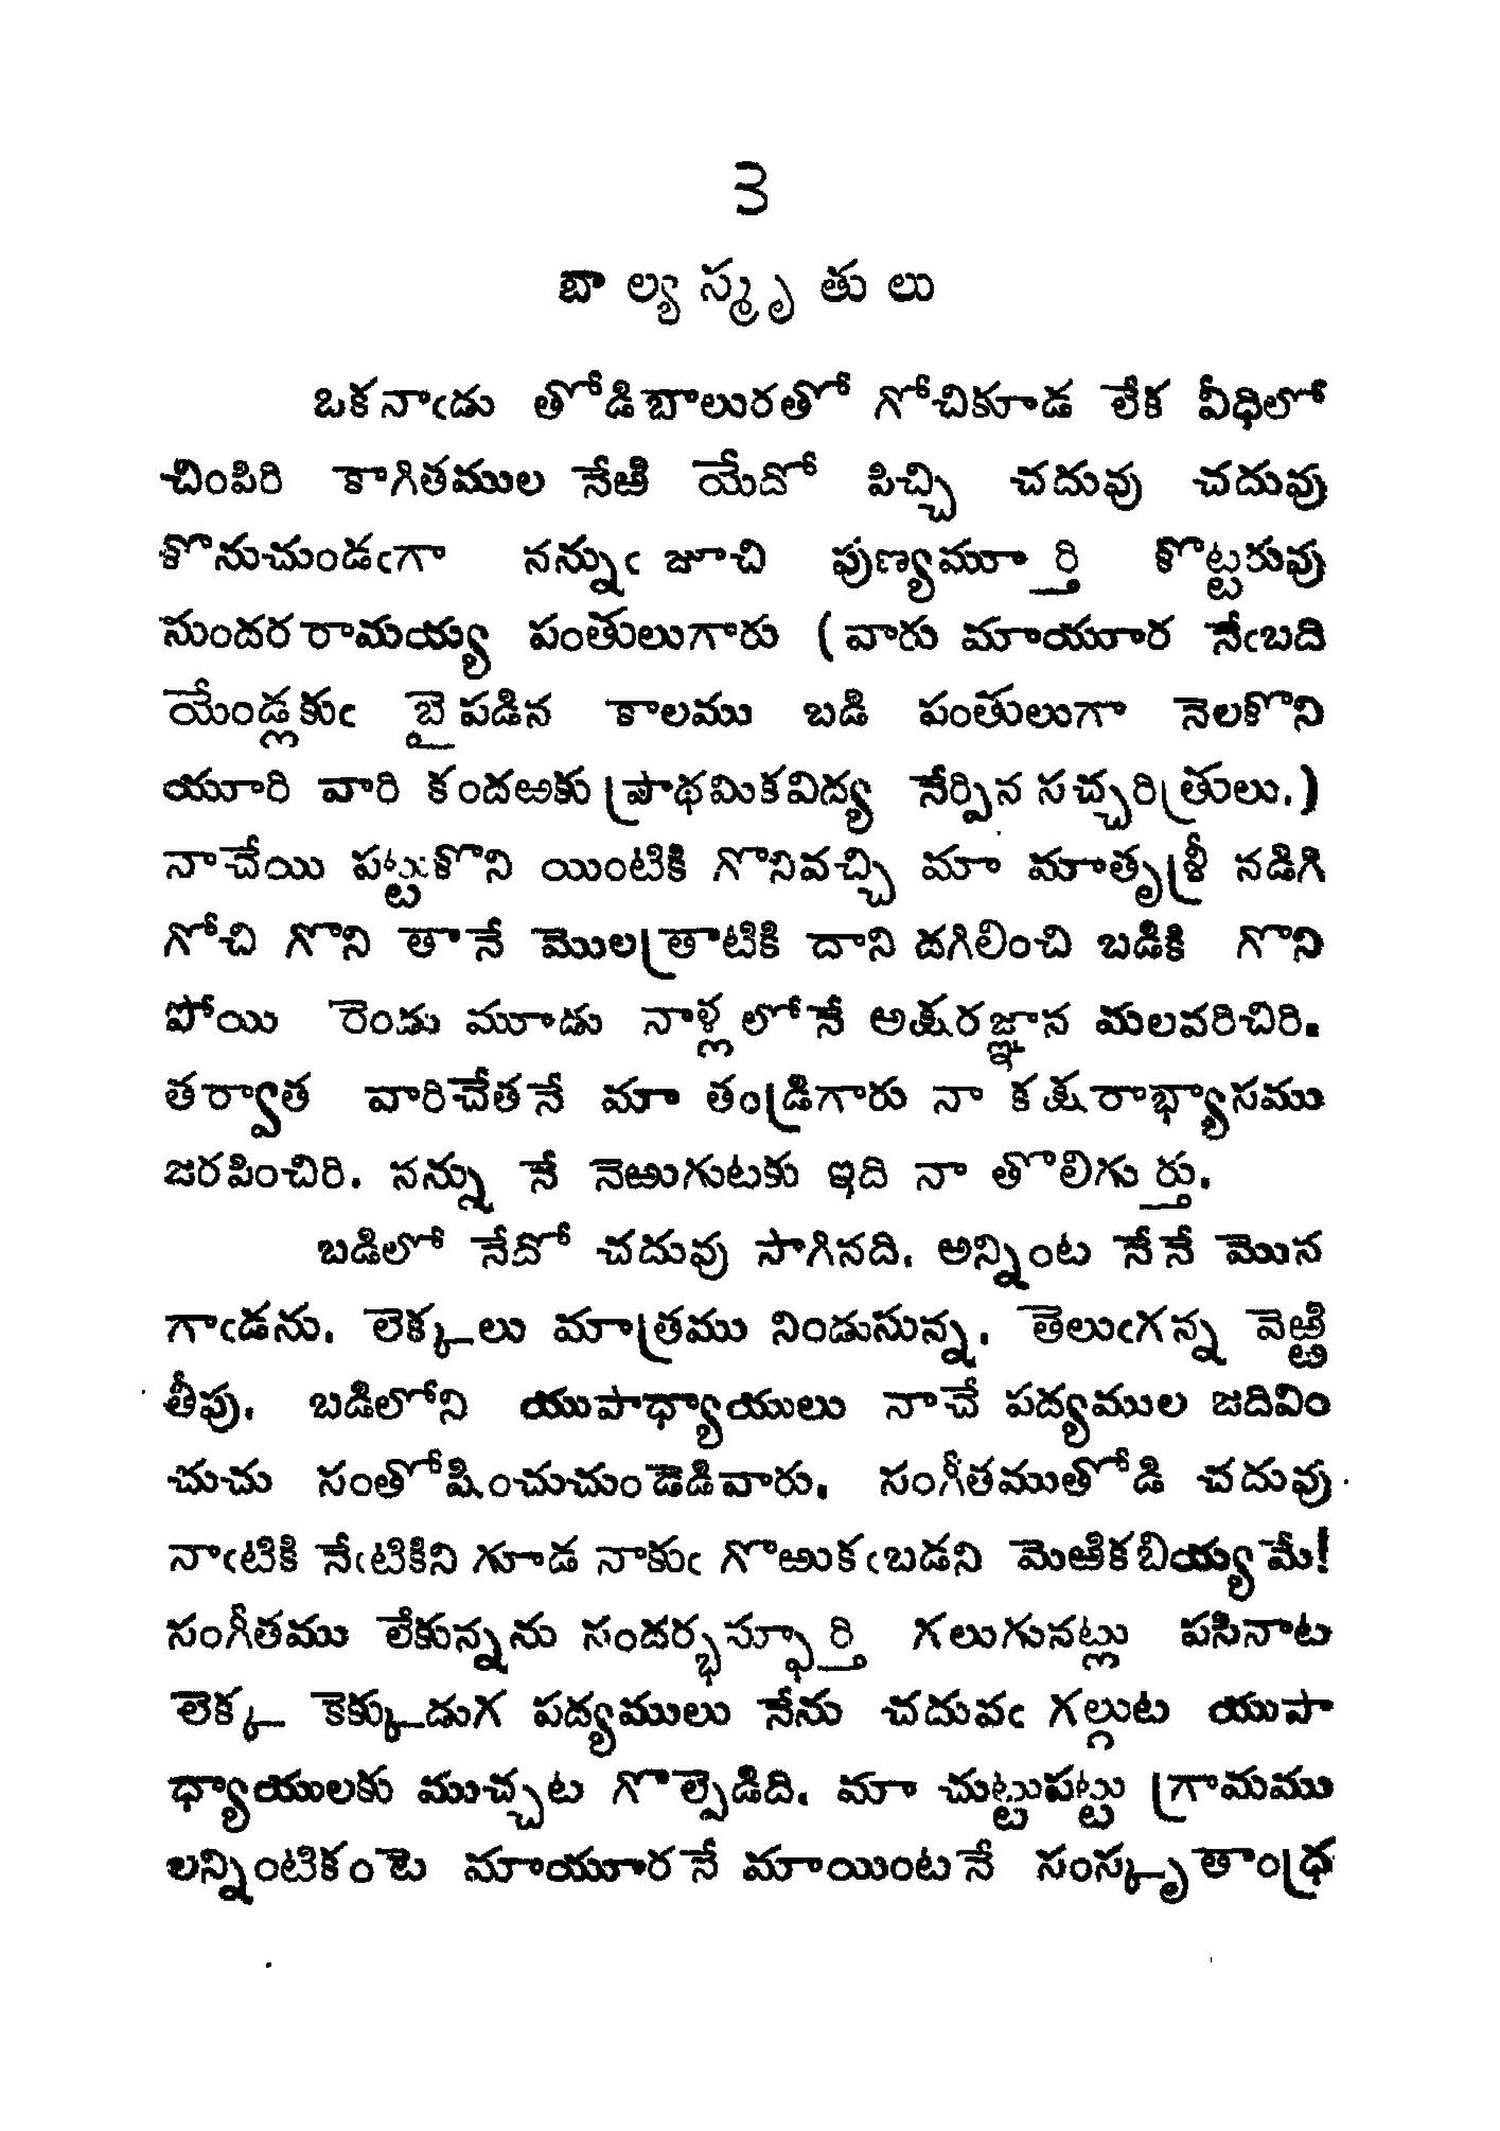ఒకనాఁడు తోడిబాలురుతో గోచికూడ లేక వీధిలో చింపిరి కాగితముల నేఱి యేదో పిచ్చి చదువు చదువుకొను చుండఁగా నన్నుఁ జూచి పుణ్యముర్తి కొట్టరువు సుందర రామయ్య పంతులుగారు (వారు మా యూర నేఁ బది యేండ్లకుఁ బైపడిన కాలము బడి పంతులుగా నెలకొని యూరి వారి కందఱకు ప్రాధమికఉదయ నేర్పిన సచ్చరిత్రులు.) నా చేయి పట్టుకొని ఇంటికి గొనివచ్చి మా మాతృ శ్రీ నడిగి గోచి గొని తానే మొలత్రాటికి దాని దగిలించి బడికి గొని పోయి రెండు మూడు నాళ్ళలోనే అక్షరజ్ఞాన మలవరిచిరి. తర్వాత వారిచేతనే మా తండ్రిగారు నా కక్షరాభ్యాసము జరపించిరి. నన్ను నే నెఱుగుటకు ఇది నా తొలిగుర్తు.
 
బడిలో నేదో చదువు సాగినది. అన్నింట నేనే మొన గాఁడను.లెక్కకు మాత్రము నిండుసున్న. తెలుఁ గన్న వెఱి తీపు. బడిలోని యుపాధ్యాయులు నాచే పద్యముల జదివించుచు సంతోషించుచుండెడివారు. సంగీతముతోడి చదువు నాఁటికి నేఁ టికిని గూడ నాకుఁ గొఱుకఁ బడని మెఱిక బియ్యమే! సంగీతము లేకున్నను సందర్భస్పూర్తి గలుగునట్లు పసినాట లెక్క కేక్కుడుగ పద్యములు నేను చదువఁ గల్గుట యుపాధ్యాయులకు ముచ్చట గొల్పెడిది. మా చుట్టుపట్టు గ్రామము లన్నింటి కంటె మా యూరనే మా యింటనే సంస్కృతాంధ్ర